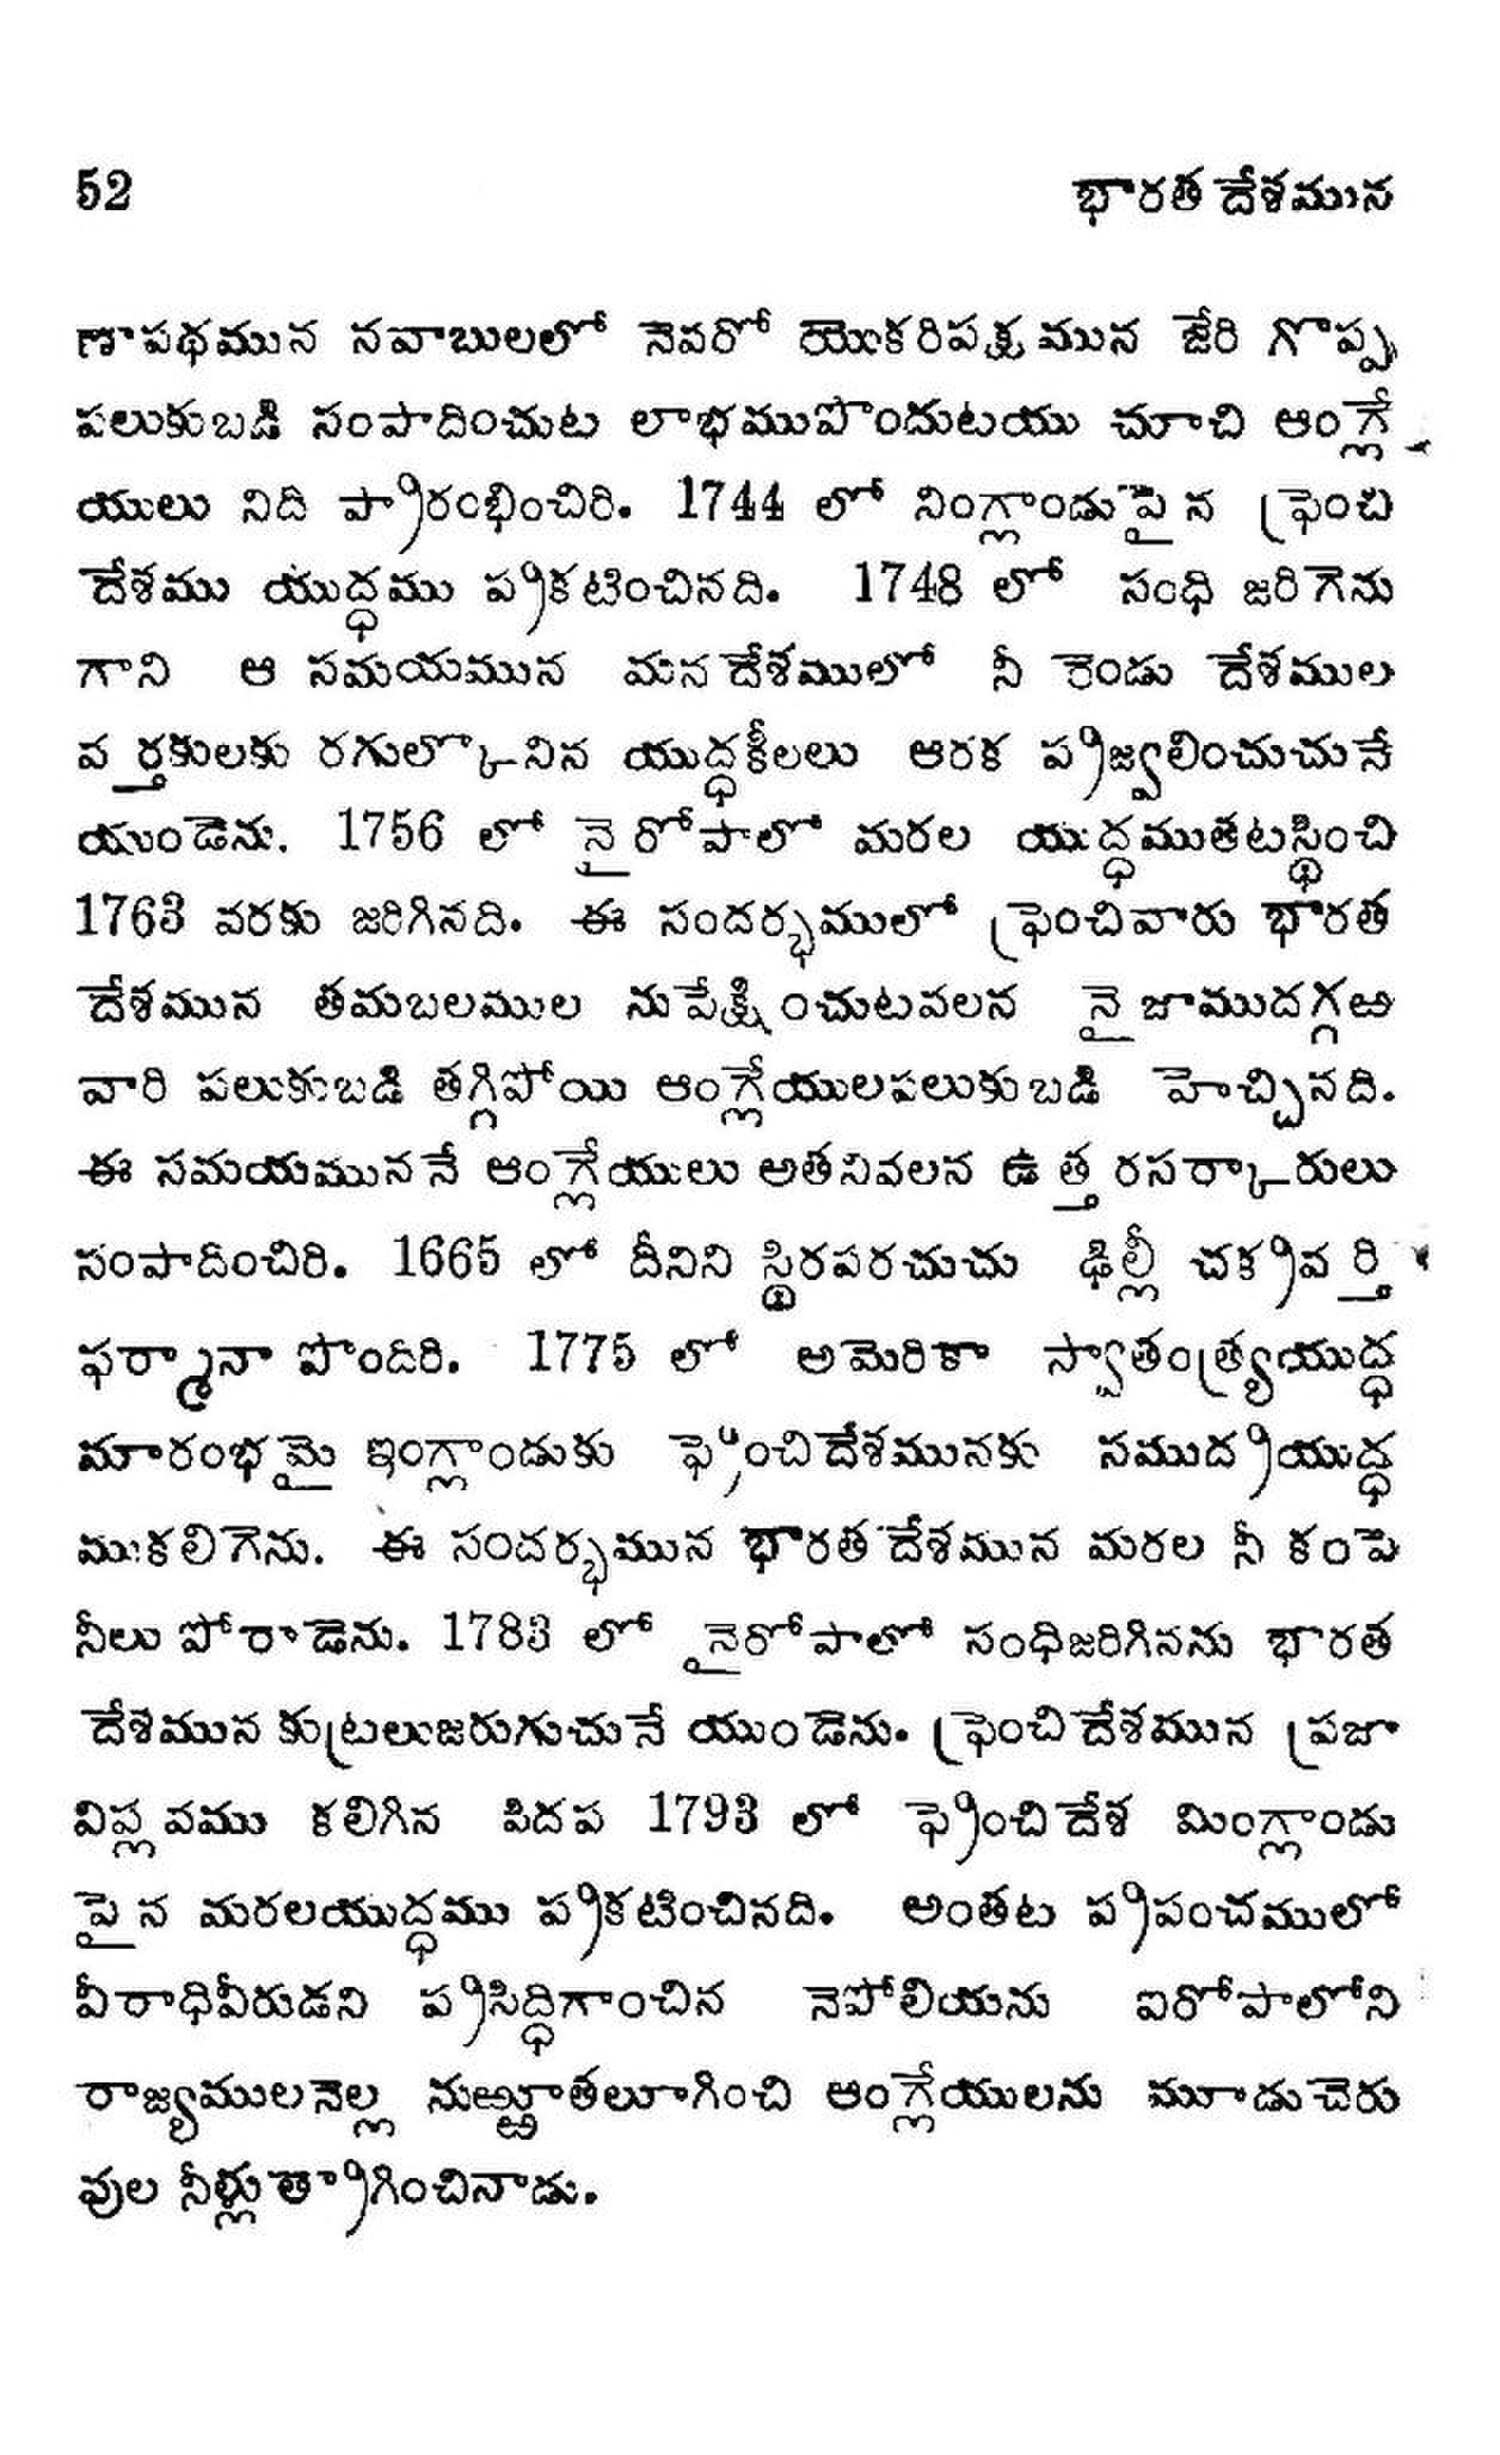ణాపథమున నవాబులలో నెవరో యొకరిపక్షమున జేరి గొప్ప పలుకుబడి సంపాదించుట లాభముపొందుటయు చూచి ఆంగ్లేయులు నిది ప్రారంభించిరి. 1744 లో నింగ్లాండుపైన ఫ్రెంచిదేశము యుద్ధము ప్రకటించినది. 1748 లో సంధి జరిగెను గాని ఆ సమయమున మనదేశములో నీ రెండు దేశముల వర్తకులకు రగుల్కొనిన యుద్దకీలలు ఆరక ప్రజ్వలించుచునే యుండెను. 1756 లో నైరోపాలో మరల యుద్దముతటస్థించి 1763 వరకు జరిగినది. ఈ సందర్భములో ఫ్రెంచివారు భారతదేశమున తమబలముల నుపేక్షించుటవలన నైజాముదగ్గఱ వారి పలుకుబడి తగ్గిపోయి ఆంగ్లేయులపలుకుబడి హెచ్చినది. ఈ సమయముననే ఆంగ్లేయులు అతనివలన ఉత్తరసర్కారులు సంపాదించిరి. 1665 లో దీనిని స్థిరపరచుచు ఢిల్లీ చక్రవర్తి ఫర్మానా పొందిరి. 1775 లో అమెరికా స్వాతంత్ర్యయుద్ధ మారంభమై ఇంగ్లాండుకు ఫ్రెంచిదేశమునకు సముద్రయుద్ధముకలిగెను. ఈ సందర్భమున భారతదేశమున మరల నీ కంపెనీలు పోరాడెను. 1783 లో నైరోపాలో సంధిజరిగినను భారతదేశమున కుట్రలుజరుగుచునే యుండెను. ఫ్రెంచిదేశమున ప్రజావిప్లవము కలిగిన పిదప 1793 లో ఫ్రెంచిదేశ మింగ్లాండుపైన మరలయుద్ధము ప్రకటించినది. అంతట ప్రపంచములో వీరాధివీరుడని ప్రసిద్ధిగాంచిన నెపోలియను ఐరోపాలోని రాజ్యములనెల్ల నుఱ్ఱూతలూగించి ఆంగ్లేయులను మూడుచెరువుల నీళ్లుత్రాగించినాడు.